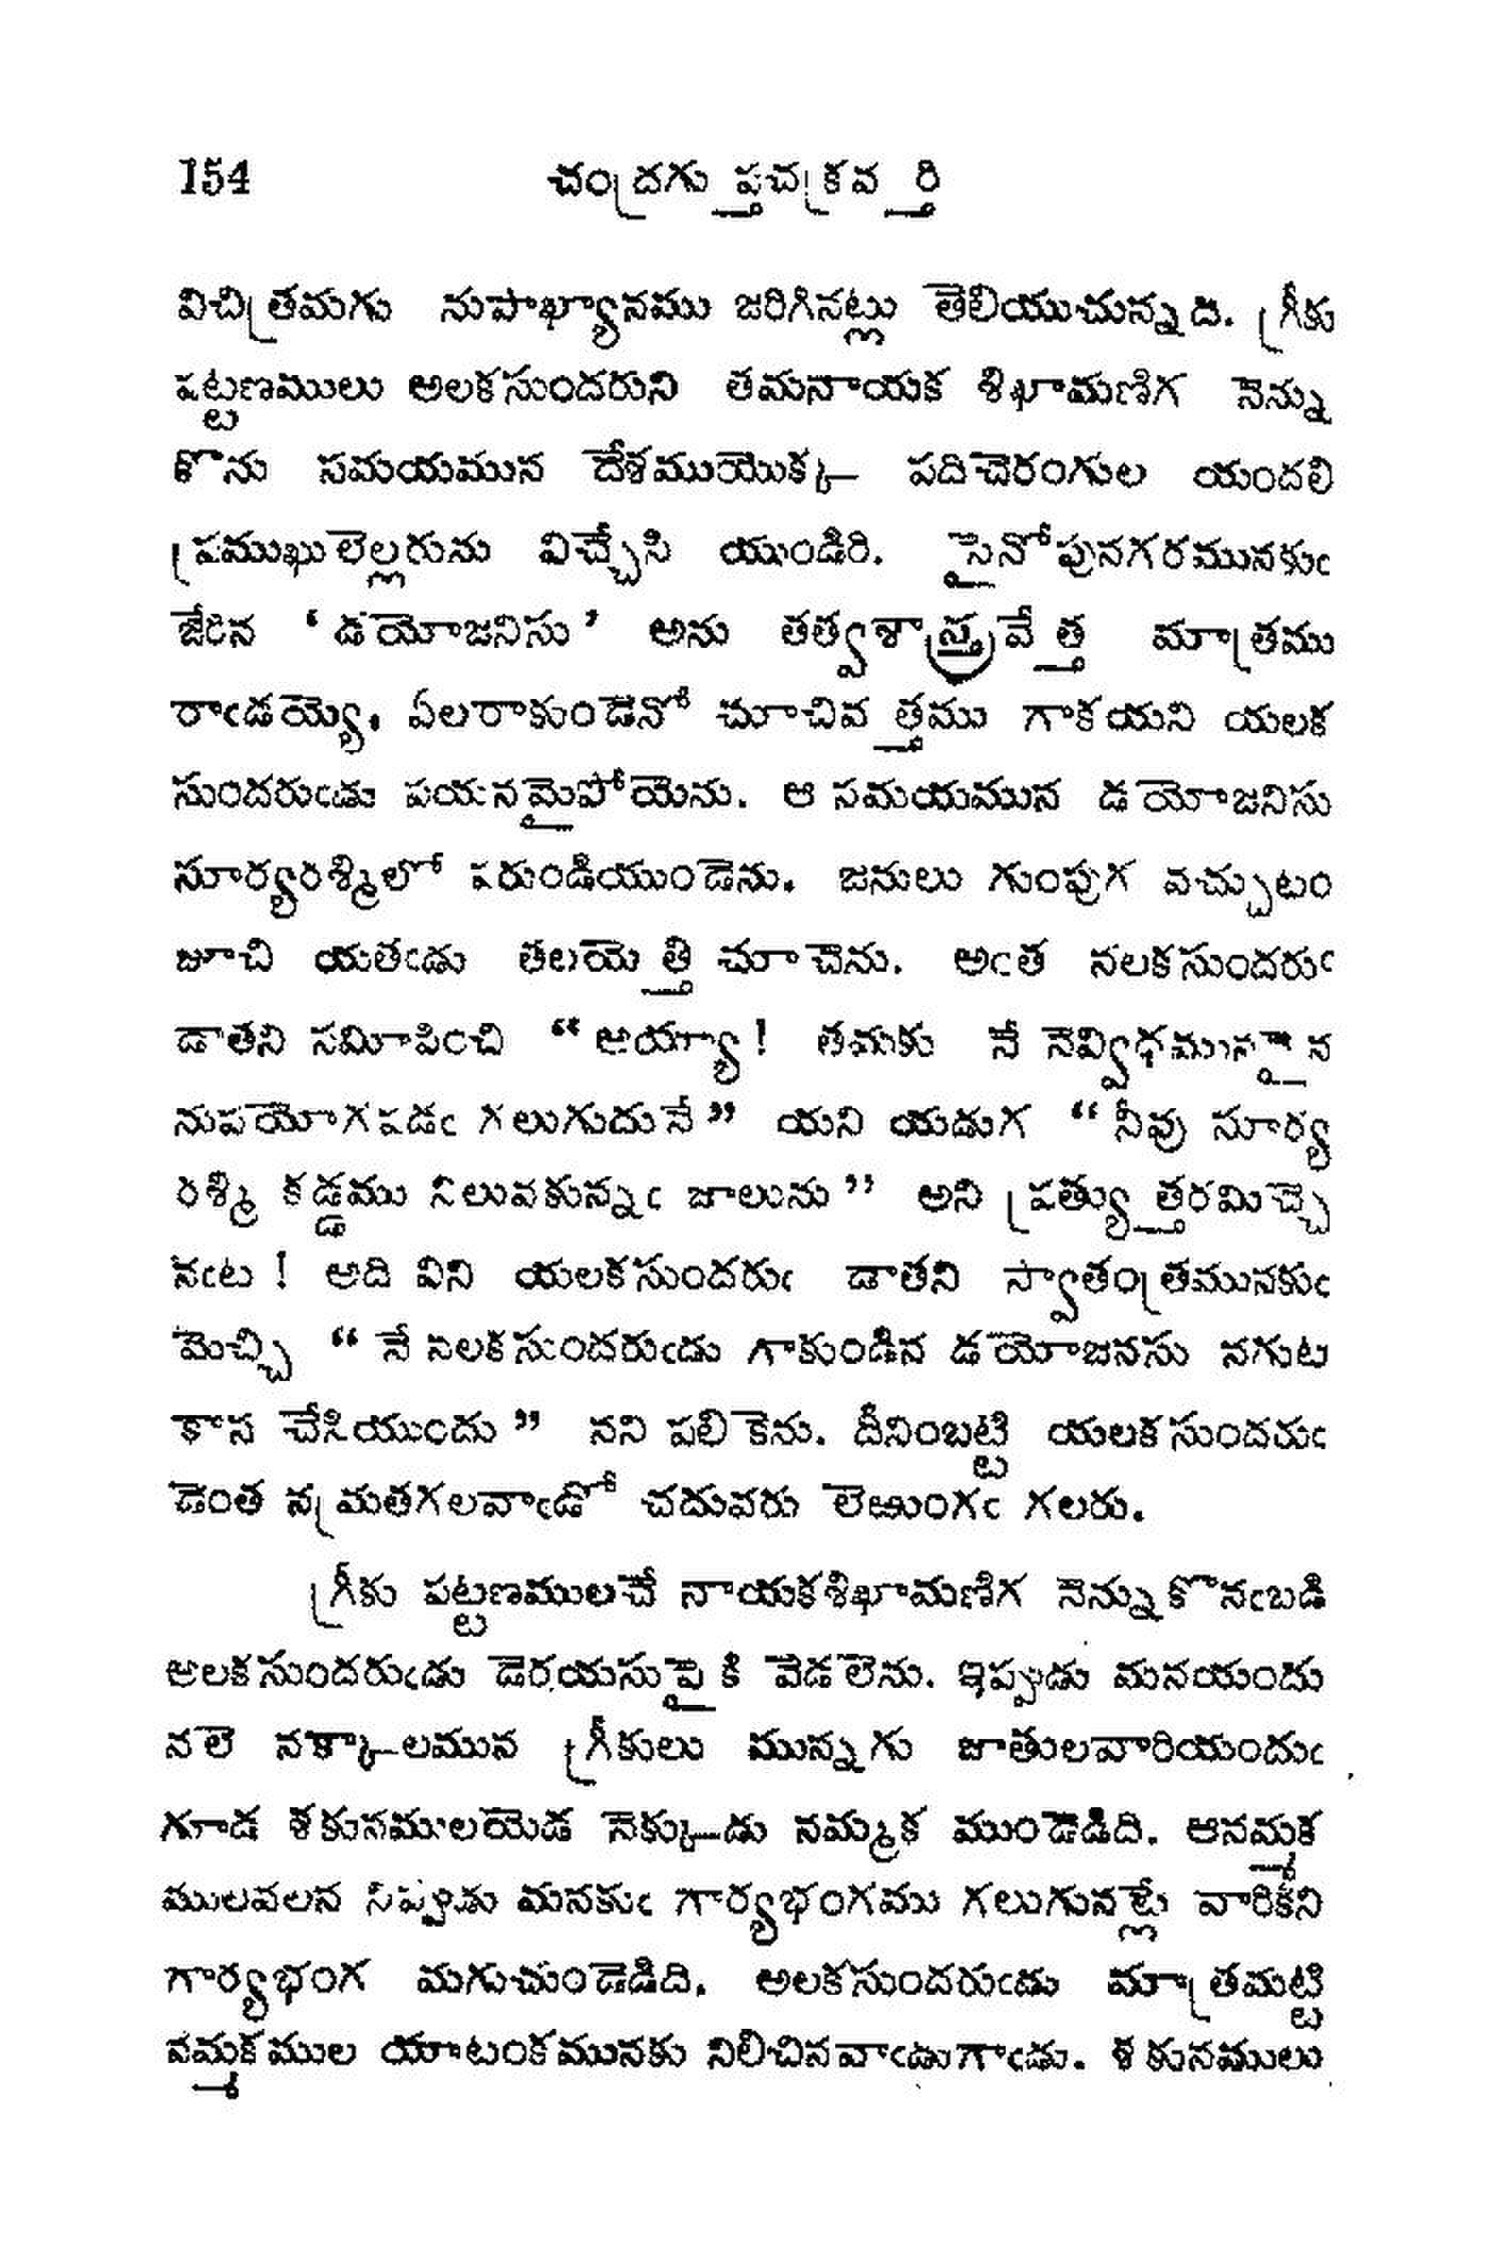విచిత్రమగు నుపాఖ్యానము జరిగినట్లు తెలియుచున్నది. గ్రీకు పట్టణములు అలకసుందరుని తమనాయక శిఖామణిగ నెన్నుకొను సమయమున దేశముయొక్క పదిచెరంగుల యందలి ప్రముఖులెల్లరును విచ్చేసి యుండిరి. సైనోపునగరమునకుఁ జేరిన 'డయోజనిసు' అను తత్వశాస్త్రవేత్త మాత్రము రాఁడయ్యె. ఏలరాకుండెనో చూచివత్తము గాకయని యలకసుందరుఁడు పయనమైపోయెను. ఆ సమయమున డయోజనిసు సూర్యరశ్మిలో పరుండియుండెను. జనులు గుంపుగ వచ్చుటం జూచి యతఁడు తలయెత్తి చూచెను. అంత నలకసుందరుఁ డాతని సమీపించి "అయ్యా! తమకు నే నెవ్విధముననైన నుపయోగపడఁ గలుగుదునే” యని యడుగ "నీవు సూర్య రశ్మి కడ్డము నిలువకున్నఁ జాలును" అని ప్రత్యుత్తరమిచ్చెనఁట! అది విని యలకసుందరుఁ డాతని స్వాతంత్రమునకుఁమెచ్చి "నేనలక సుందరుఁడు గాకుండిన డయోజనసు నగుట కాస చేసియుందు" నని పలికెను. దీనింబట్టి యలకసుందరుఁ డెంత నమ్రతగలవాఁడో చదువరు లెఱుంగఁ గలరు.

గ్రీకు పట్టణములచే నాయకశిఖామణిగ నెన్ను కొనఁబడి ఆలకసుందరుఁడు డెరయసుపైకి వెడలెను. ఇప్పుడు మనయందువలె నక్కాలమున గ్రీకులు మున్నగు జాతులవారియందుఁ గూడ శకునములయెడ నెక్కుడు నమ్మక ముండెడిది. ఆనమ్మకములవలన నిప్పుడు మనకుఁ గార్యభంగము గలుగునట్లే వారికిని గార్యభంగ మగుచుండెడిది. అలకసుందరుఁడు మాత్రమట్టి నమ్మకముల యాటంకమునకు నిలిచినవాఁడుగాఁడు. శకునములు